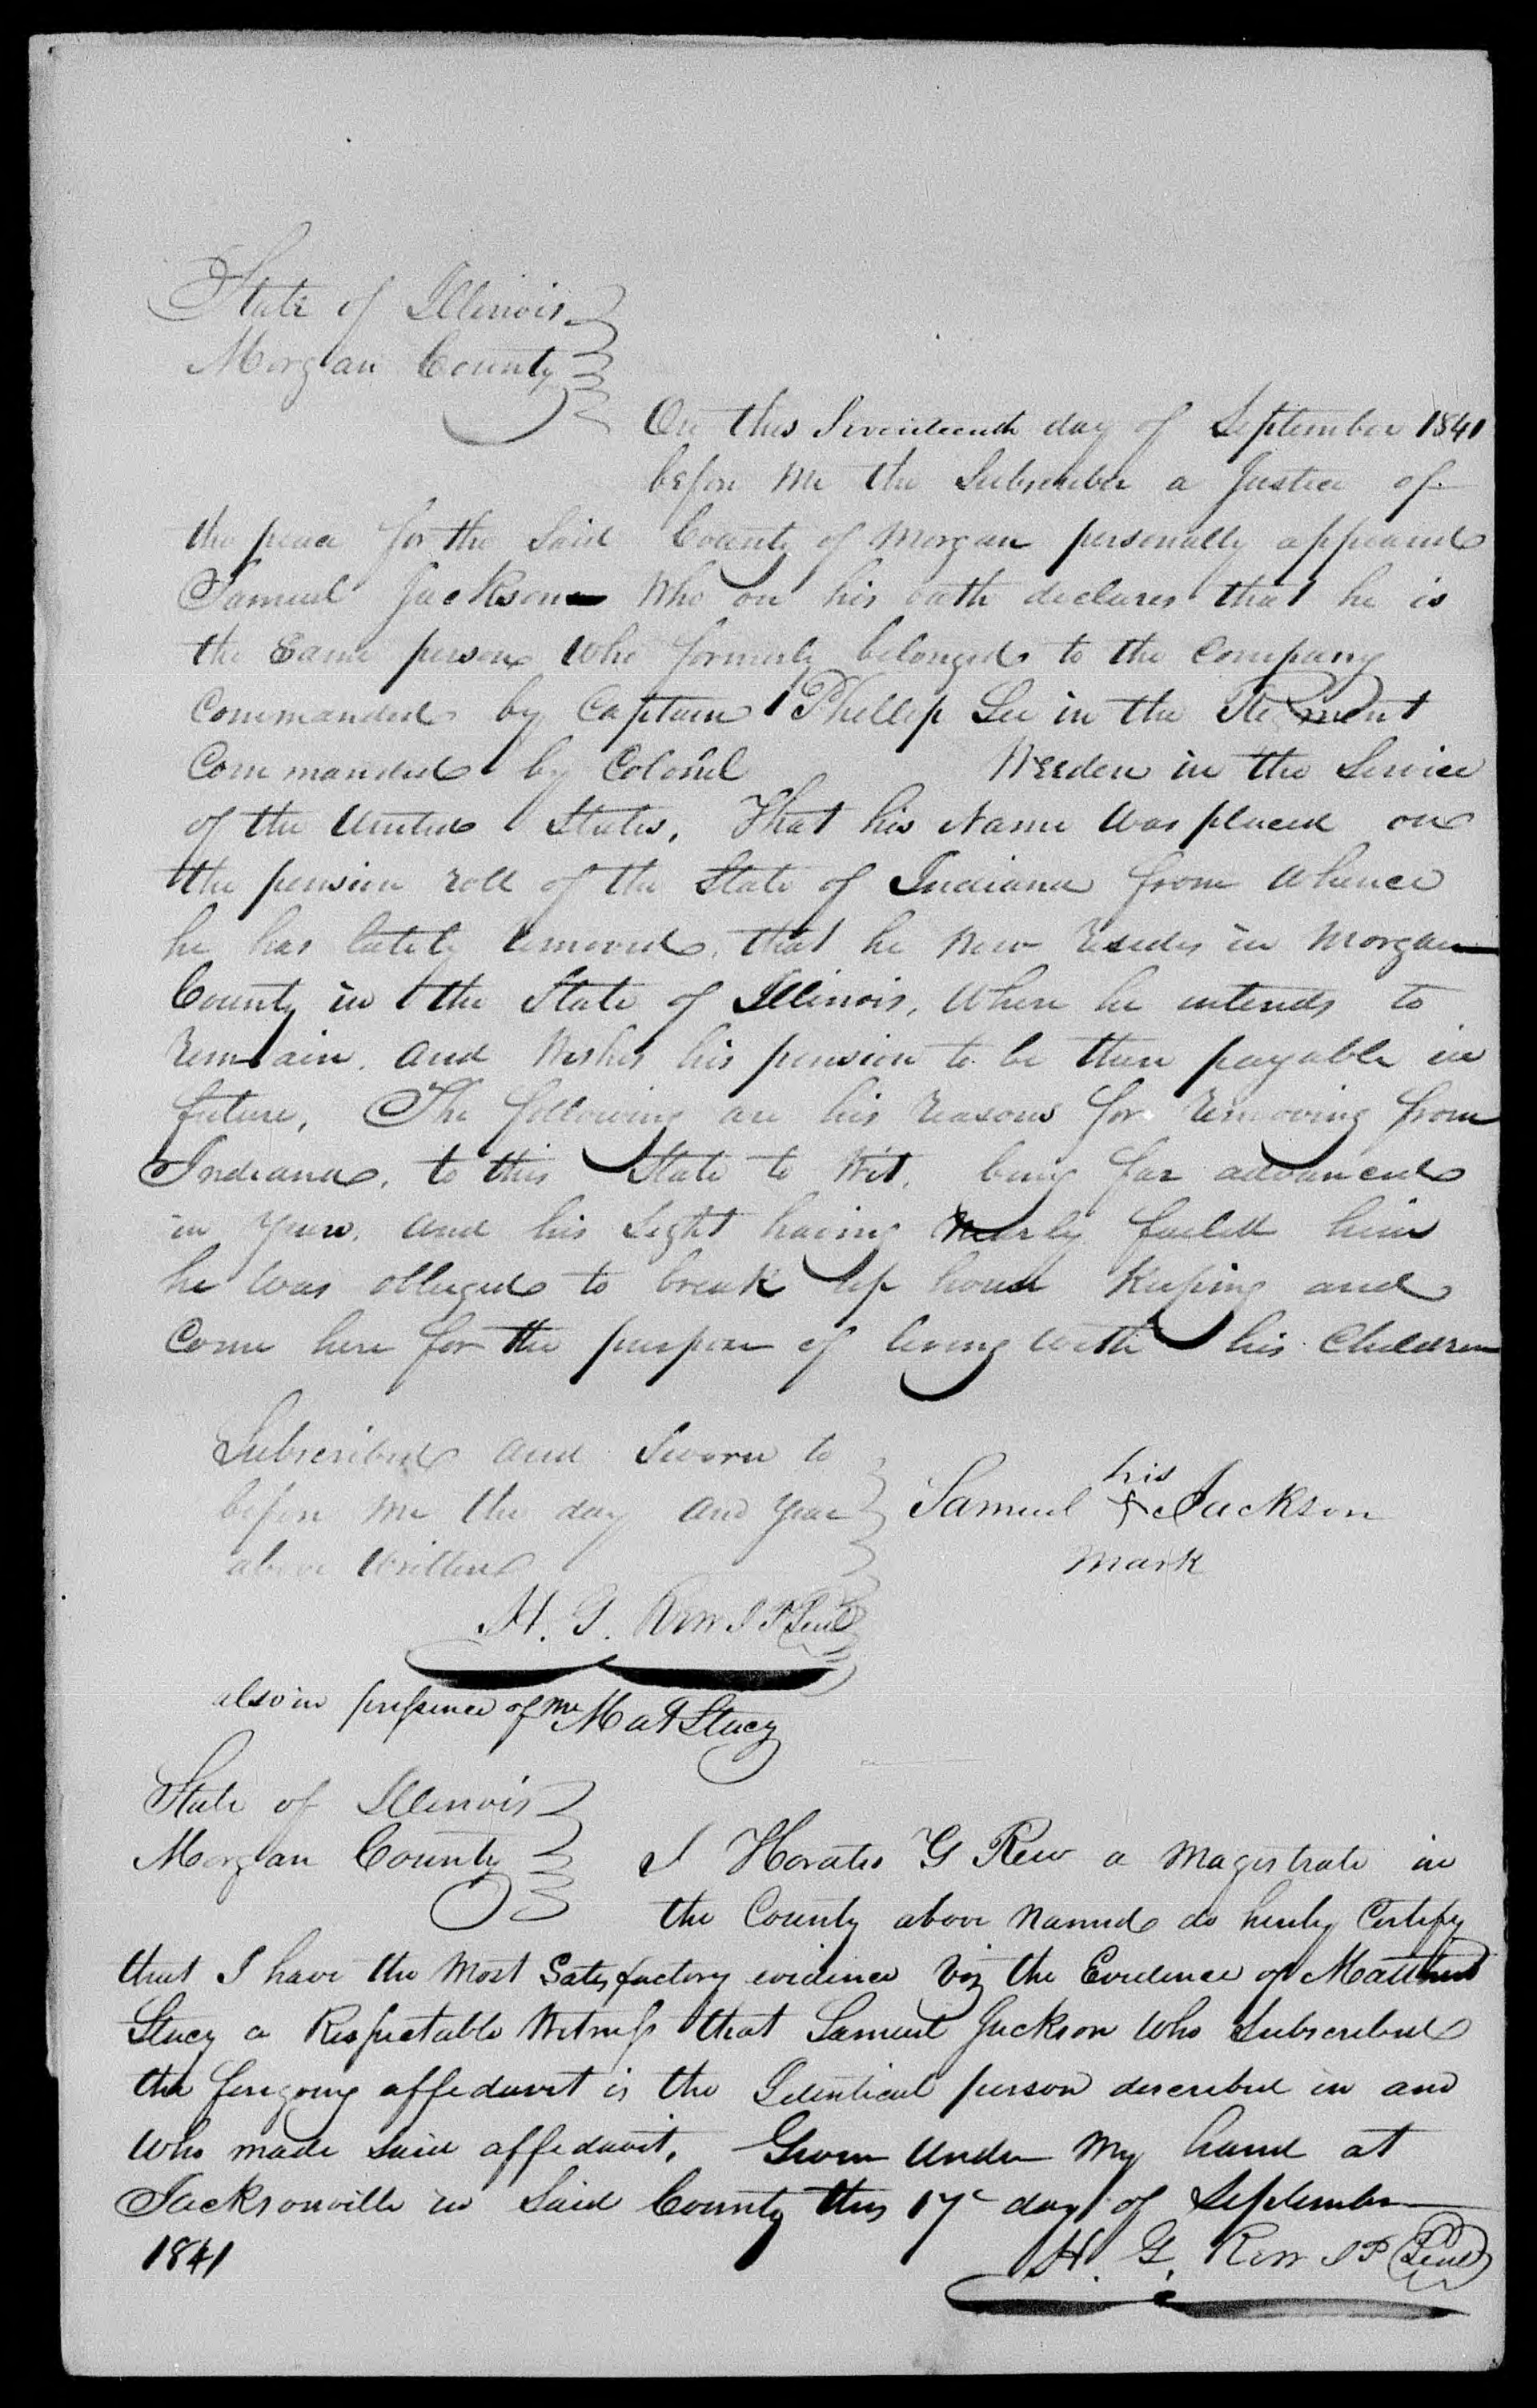State of Illinois
Morgan County
On this Seventeenth day of September 1841
before me the Subscriber a Justice of
of the peace for the said County of Morgan personally appeared
Samuel Jackson_  Who on his oath declares that he is
the same person who formerly belonged to the Company
commanded by Captain Phillip Lee in the Regiment
commanded by Colonel Weeden in the Service
of the United States. That his name was placed on
the pension roll of the State of Indiana from whence
he has lately removed that he now resides in Morgan
County in the State of Illinois, where he intends to
remain. And wishes his pension to be then payable in
future. The following are his reasons for removing from
Indiana, to this State to wit, being far advanced
in years, and his sight having nearly failed him
he was obliged to break up house keeping and
come here for the purpose of living with his children
Samuel X his mark Jackson
Subscribed and sworn to
before me the the day and year 
above written
H. G. Rew JP Seal
also in pressence of Mr Mat Stacy

State of Illinois
Morgan County
I Horatio G Rew a magistrate in
the County above named do hereby certify
that I have the most satisfactory evidence viz the Evidence of Matthew
Stacy a Respectable Witness that Samuel Jackson who subscribed
the foregoing affidavit is the identical person described in and
who made said affidavit, Given under my hand at
Jacksonville in said County this 17th day of September
1841
H. G. Rew JP Seal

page: 34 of 56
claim: rejected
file: R 5529, for Samuel Jackson, Virginia